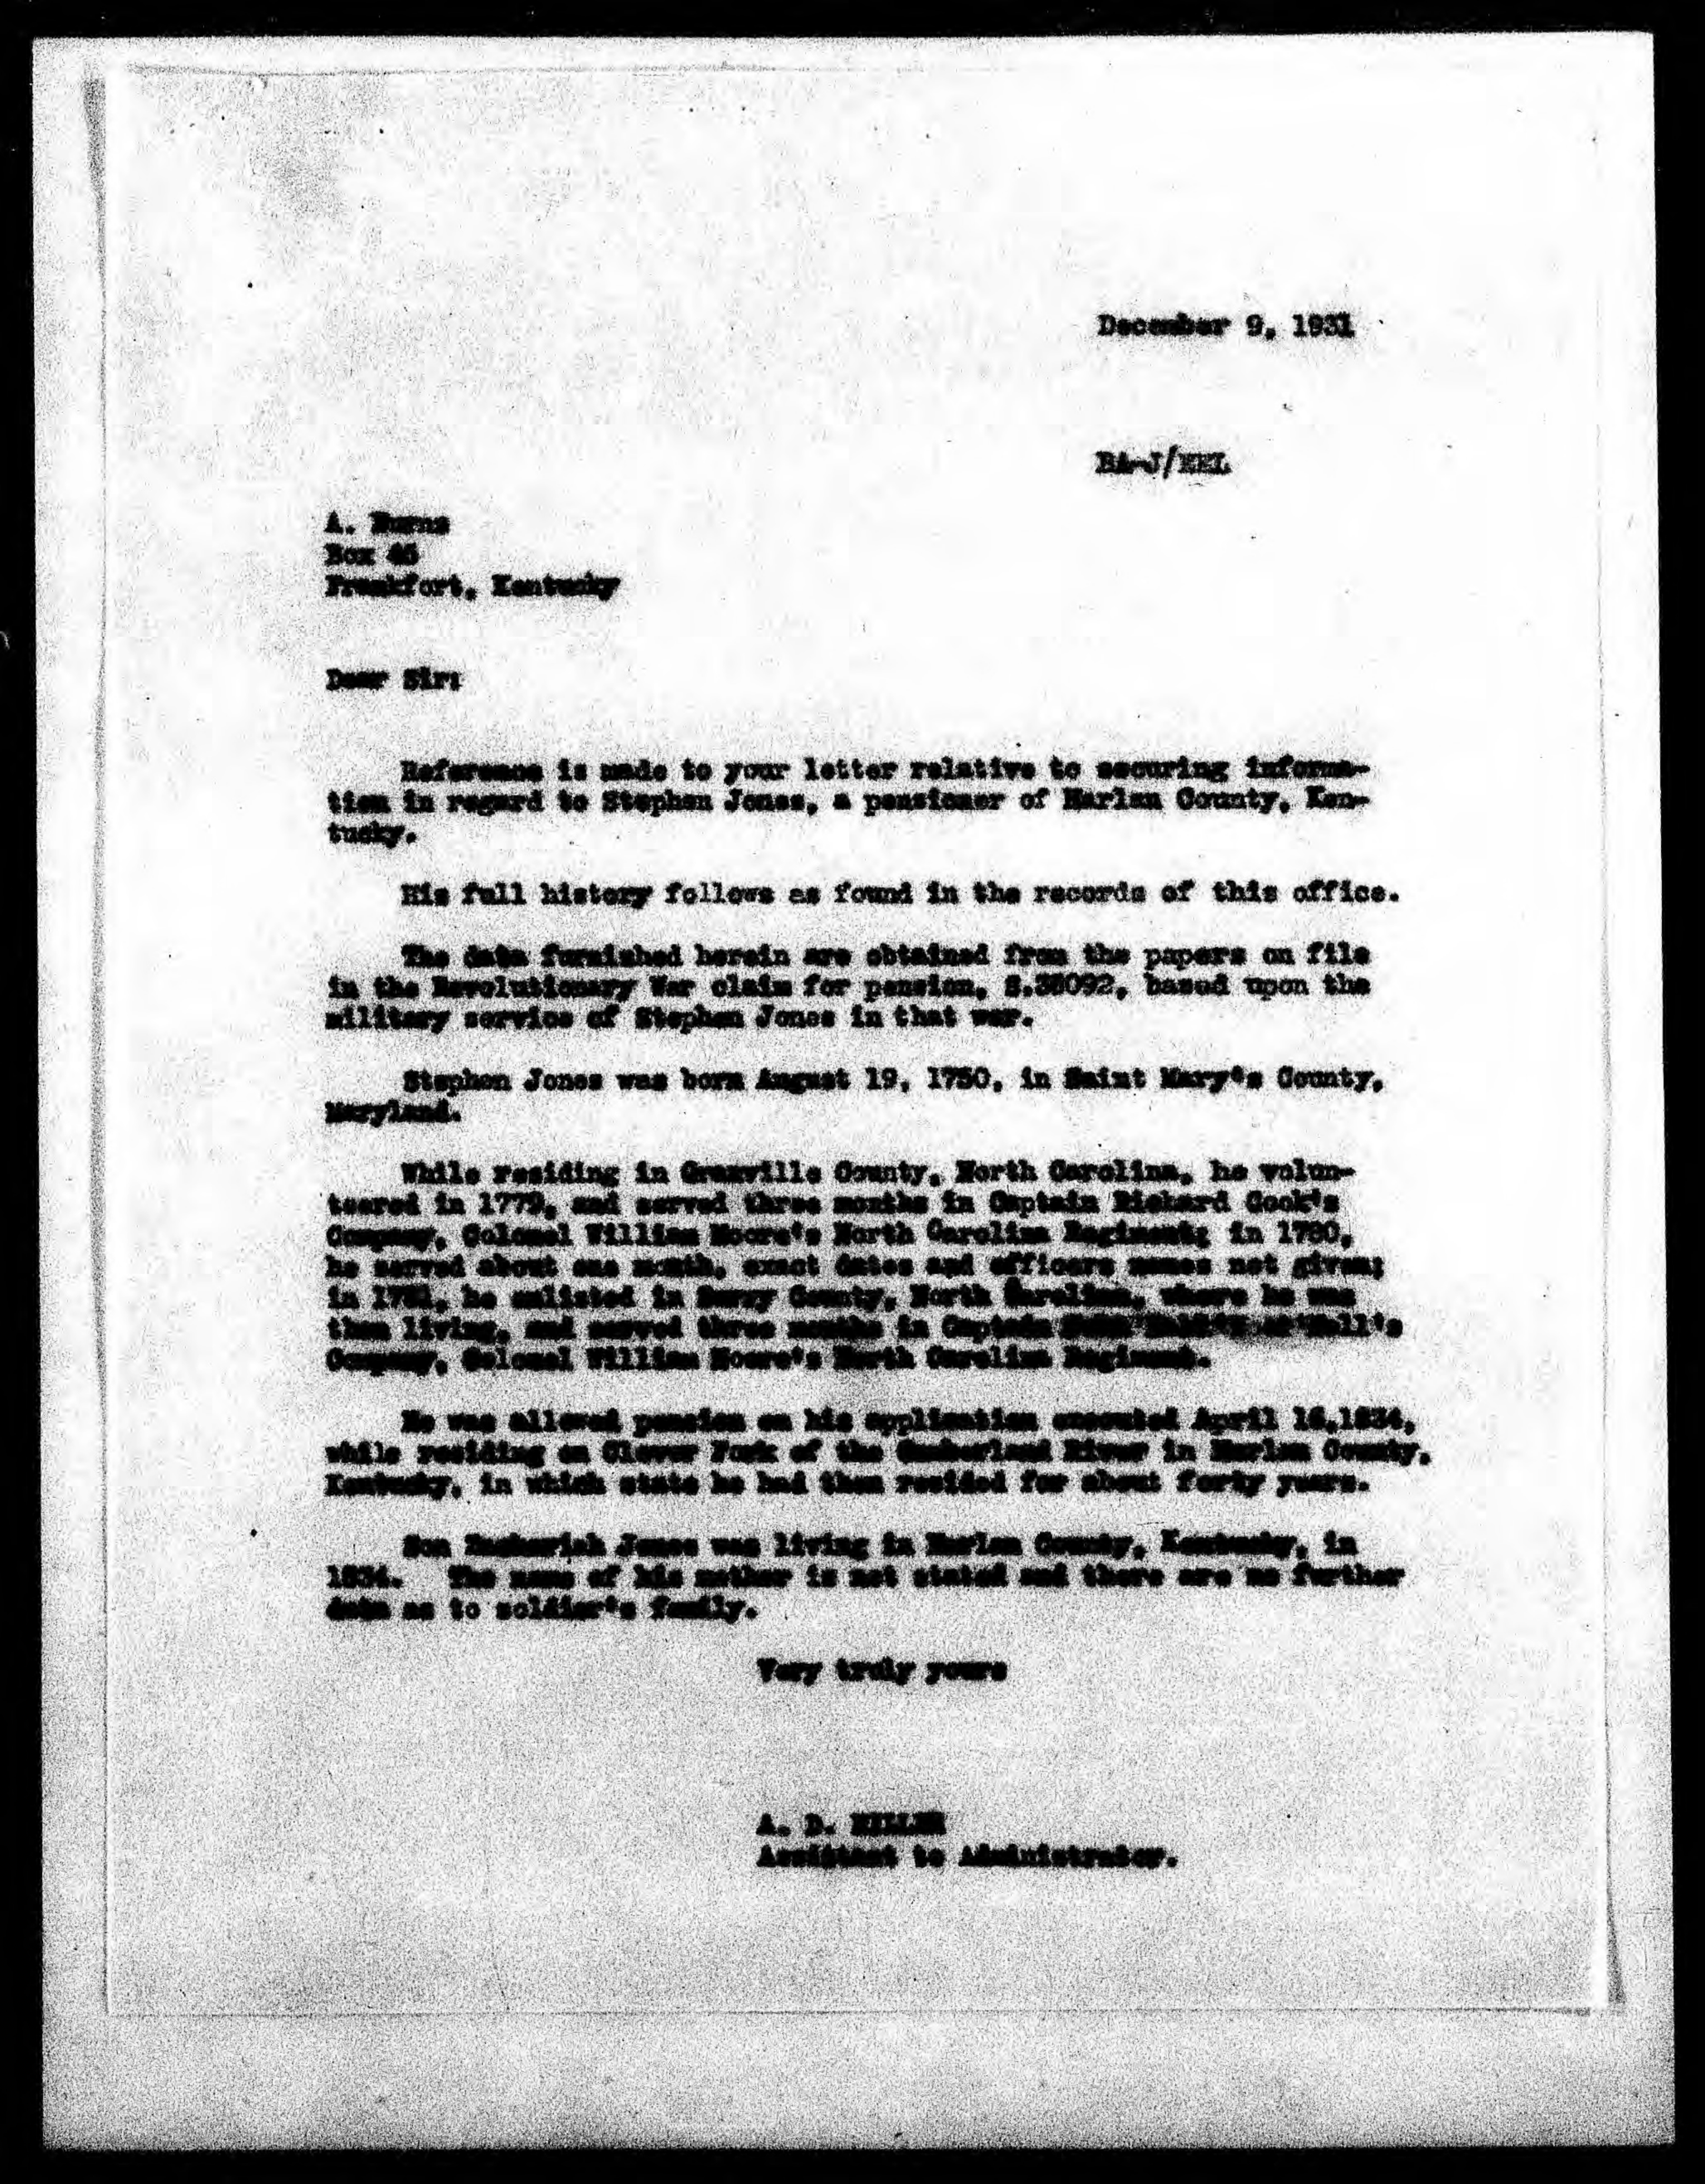December 9, 1931

BA-J/EEL

A. Burns
Box 45
Frankfort, Kentucky

Dear Sir:

Reference is made to your letter relative to securing information 
in regard to Stephen Jones, a pensioner of Harlan County, Kentucky.

His full history follows as found in the records of this office.

The data furnished herein are obtained from the papers on file
in the Revolutionary War claim for pension S. 38092, based upon the 
military service of Stephen Jones in that war.

Stephen Jones was born August 19, 1750, in Saint Mary's County
Maryland.

While residing in Granville County, North Carolina, he volunteered 
in 1779, and served three months in Captain Richard Cook's
Company, Colonel William Moore's North Carolina Regiment; in 1790,
he served about one month, exact dates and officers names not given;
in 1781, he enlisted in Surry County, North Carolina, where he was 
then living, and served three months in Captain John Nall's or Nell's
Company, Colonel William Moore's North Carolina Regiment.
 
He was allowed pension on his application executed April 16, 
1834, while residing on Clover Fork of the Cumberland River in Harlan
County, Kentucky, in which state he had then resided for about
forty years.

Son Zachariah Jones was living in Harlan County, Kentucky, in 
1834.  The name of his mother is not stated and there are no further
data as to soldier's family.

Very truly yours

A. D. HILLER
Assistant to Administrator.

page: 15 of 17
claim: survivor's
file: S. 38092, for Stephen Jones, North Carolina